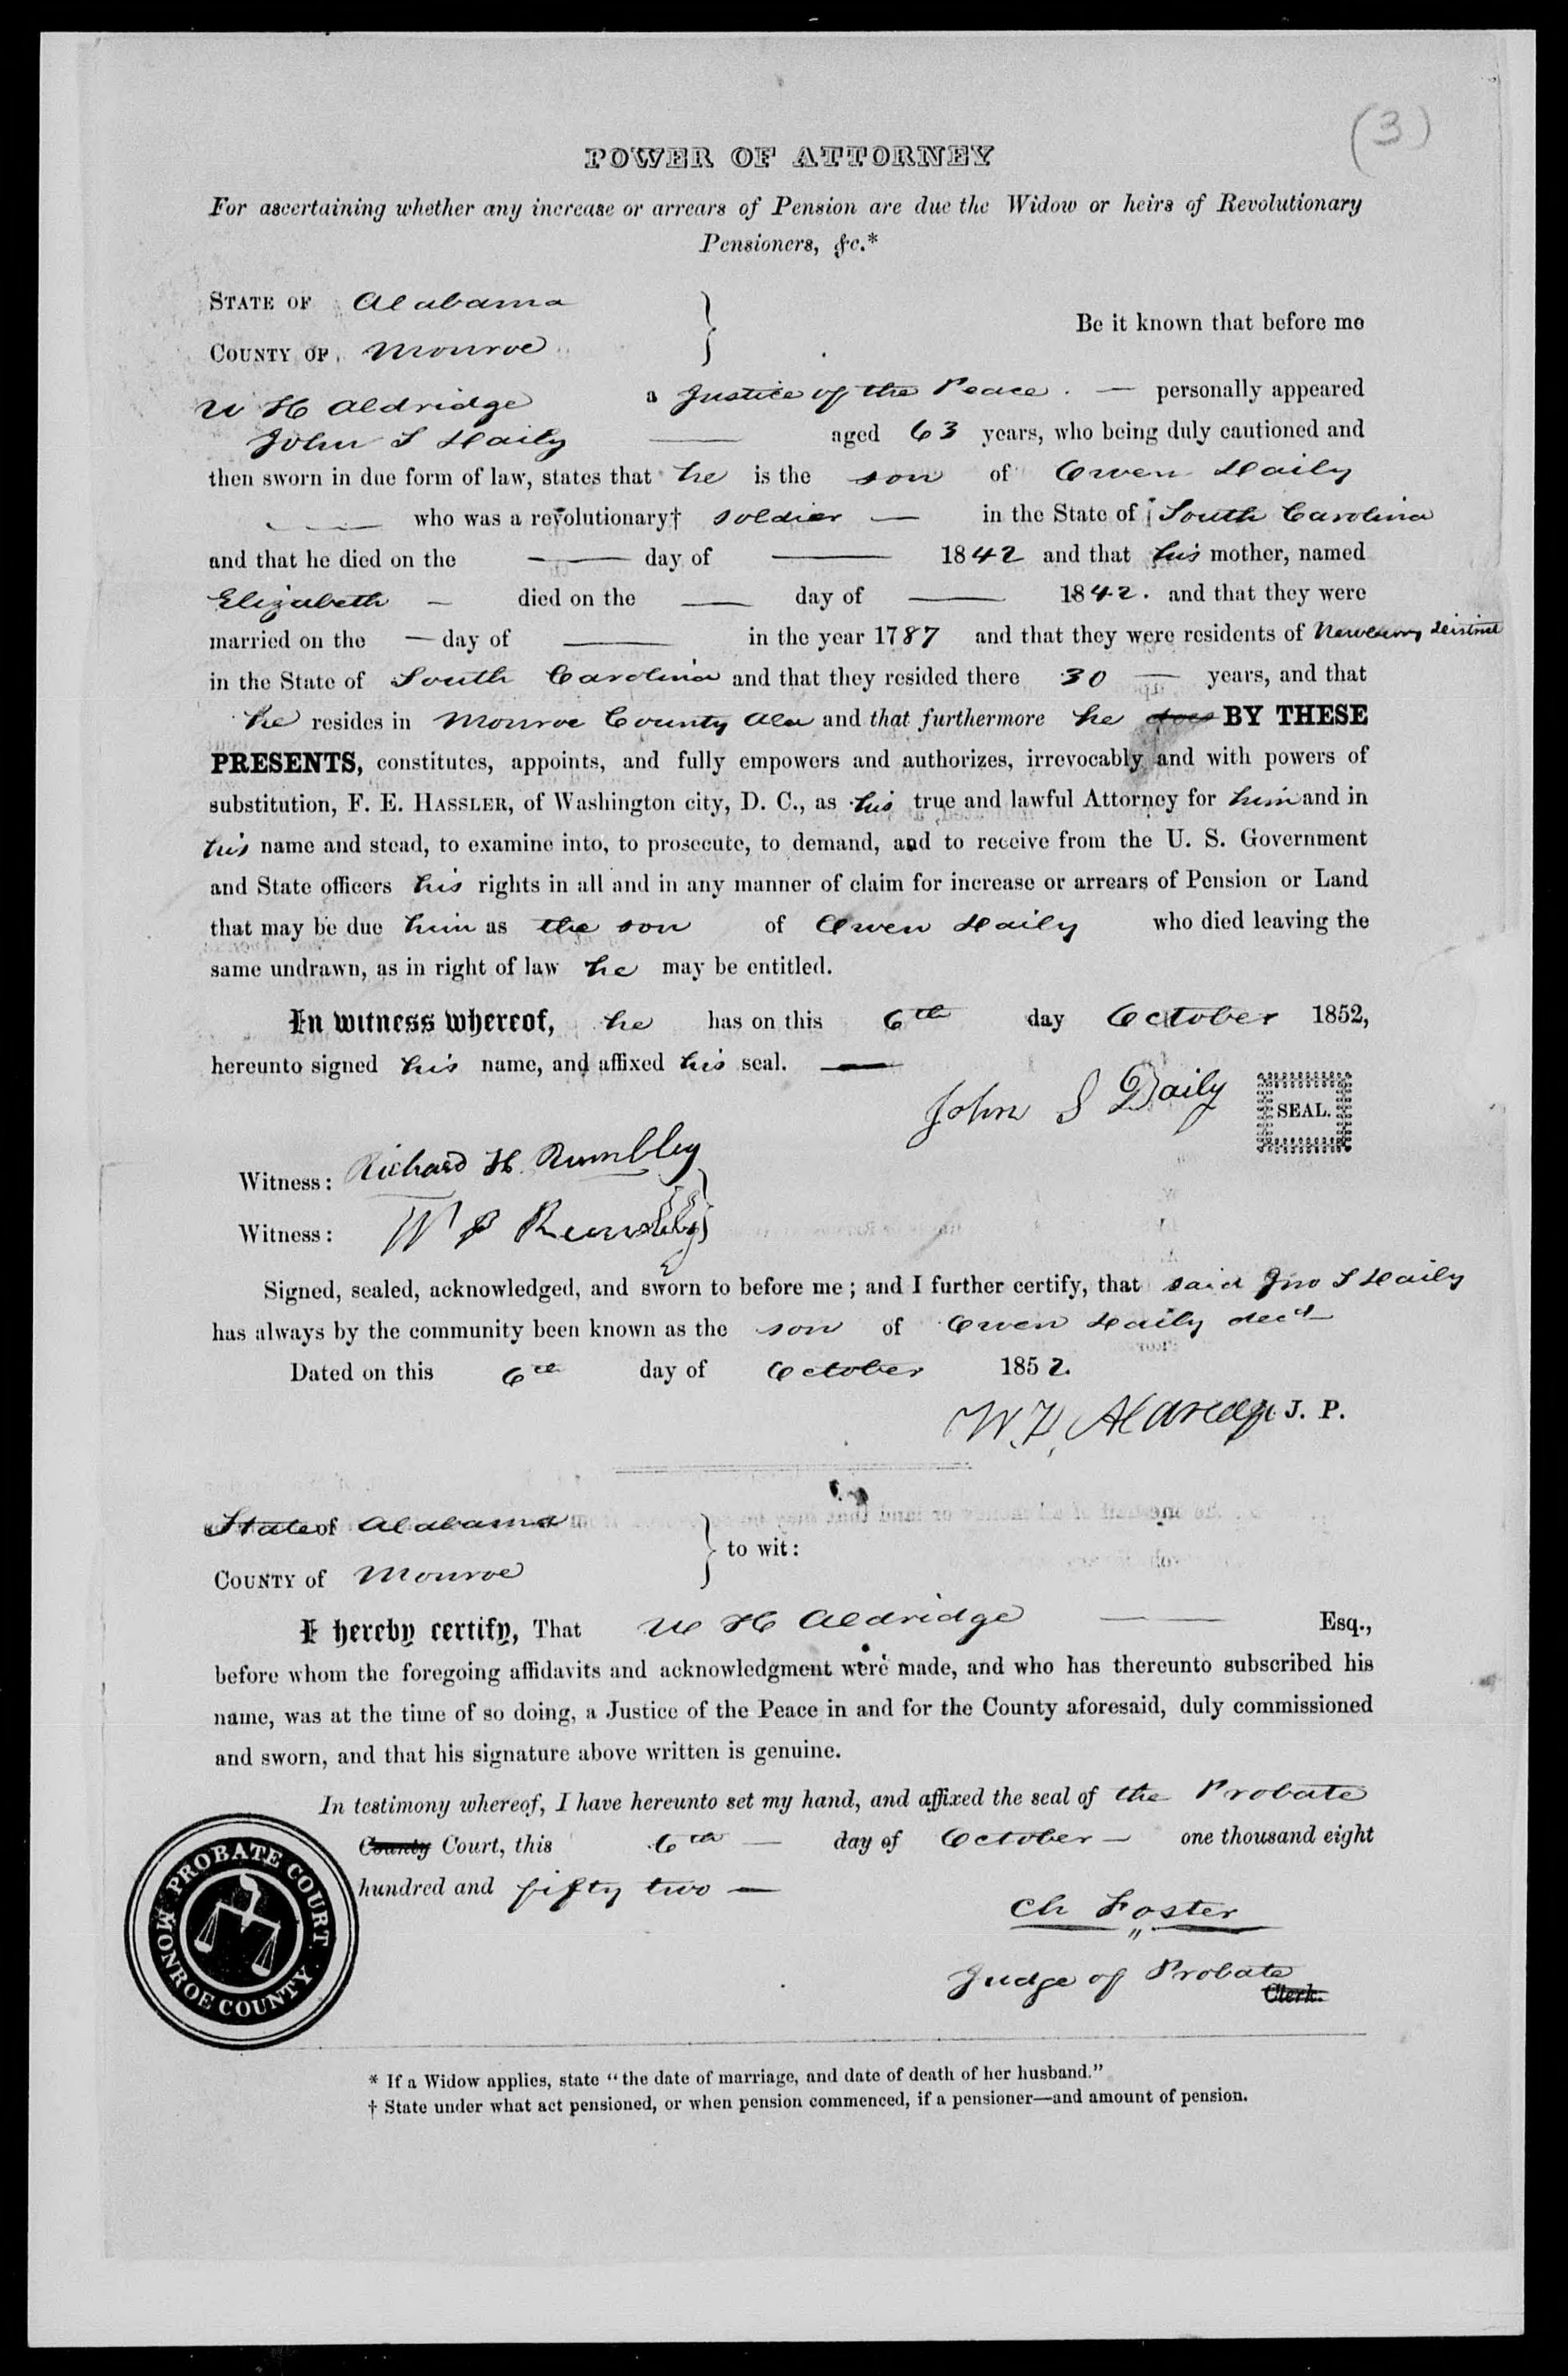POWER OF ATTORNEY             (3)             
For ascertaining whether any increase or arrears of Pension are due the Widow or heirs of Revolutionary
                                                                            Pensioners, &c.

STATE OF Alabama  }
COUNTY of Monroe}                                                                                      Be it known that before me
W H Aldridge                   a  Justice of the Peace                                                  personally appeared
John S Daily                                                                 aged 63 years, who being duly cautioned and
then sworn in due form of law, states that    he         is the son of                                 Owen Daily
                          who was a revolutionary      soldier                            in the State of South Carolina
and that he died on the                                day of                1842 and that    his     mother, named
Elizabeth                   died on the                           day of                    1842,           and that they were
married on the     day of                                 in the year 1787  and that they were residents of Newberry District
in the State of        South Carolina.   and that they resided there.        30 years, and that 
he    resides in    Monroe County    Ala and that furthermore    he             BY THESE
PRESENTS, constitutes, appoints, and fully empowers and authorizes, irrevocably and with powers of
substitution,   F. E. HASSLER,   of Washington City, D. C., as    his   true and lawful Attorney for   him   and in
his    name and stead, to examine into, to prosecute, to demand, and to receive from the U.S. Government
and State officers    his    rights in all and in any manner of claim for increase or arrears of Pension or Land
that may be due      him    as      the son     of    Owen Daily     who died leaving the 
same undrawn, as in right of law         he          may be entitled.

In witness whereof,     he     has on this       6th              day                        October           1852,
hereunto signed      his       name, and affixed     his   seal ---

                                                                          John S Daily       SEAL

Witness: Richard H. Rumbley
Witness: W P Rumbley

Signed, sealed, acknowledged, and sworn to before me; and I further certify, that said Jno S Daily
has always by the community been known as the    son.    of Owen Daily decd

Dated on this         6th      day of                October        1852
                                                                                               W.H. Aldridge J. P.


State of Alabama  }to wit:
County of Monroe}

I hereby certify, That               W H Aldridge                                                                                                                   Esq.,
before whom the foregoing affidavits and acknowledgment were made, and who has thereunto subscribed his
name, was at the time of so doing, a Justice of the Peace in and for the County aforesaid, duly commissioned
and sworn, and that his signature above written is genuine.

In testimony whereof, I have hereunto set my hand, and affixed these of                             the Probate
 Court, this                      6th              day of                        October one thousand eight
hundred and fifty two -
                                                                                       Ch Foster
SEAL                                                                     Judge of Probate
PROBATE COURT
MONROE COUNTY

* If a widow applies, state the date of marriage, and date of death of her husband."
+ State under what act pensioned, or when pension commenced, if a pensioner--and amount of pension.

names: W P Rumbley, W H Aldridge, Ch Foster, John S Daily, W H Aldridge, W H Aldridge, Owen Daily, Owen Daily, F E Hassler, Jno S Daily, Elizabeth, John S Daily, Owen Daily, Richard H Rumbley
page: 9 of 13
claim: rejected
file: R. 2,622, Owen Dailey, S.C.